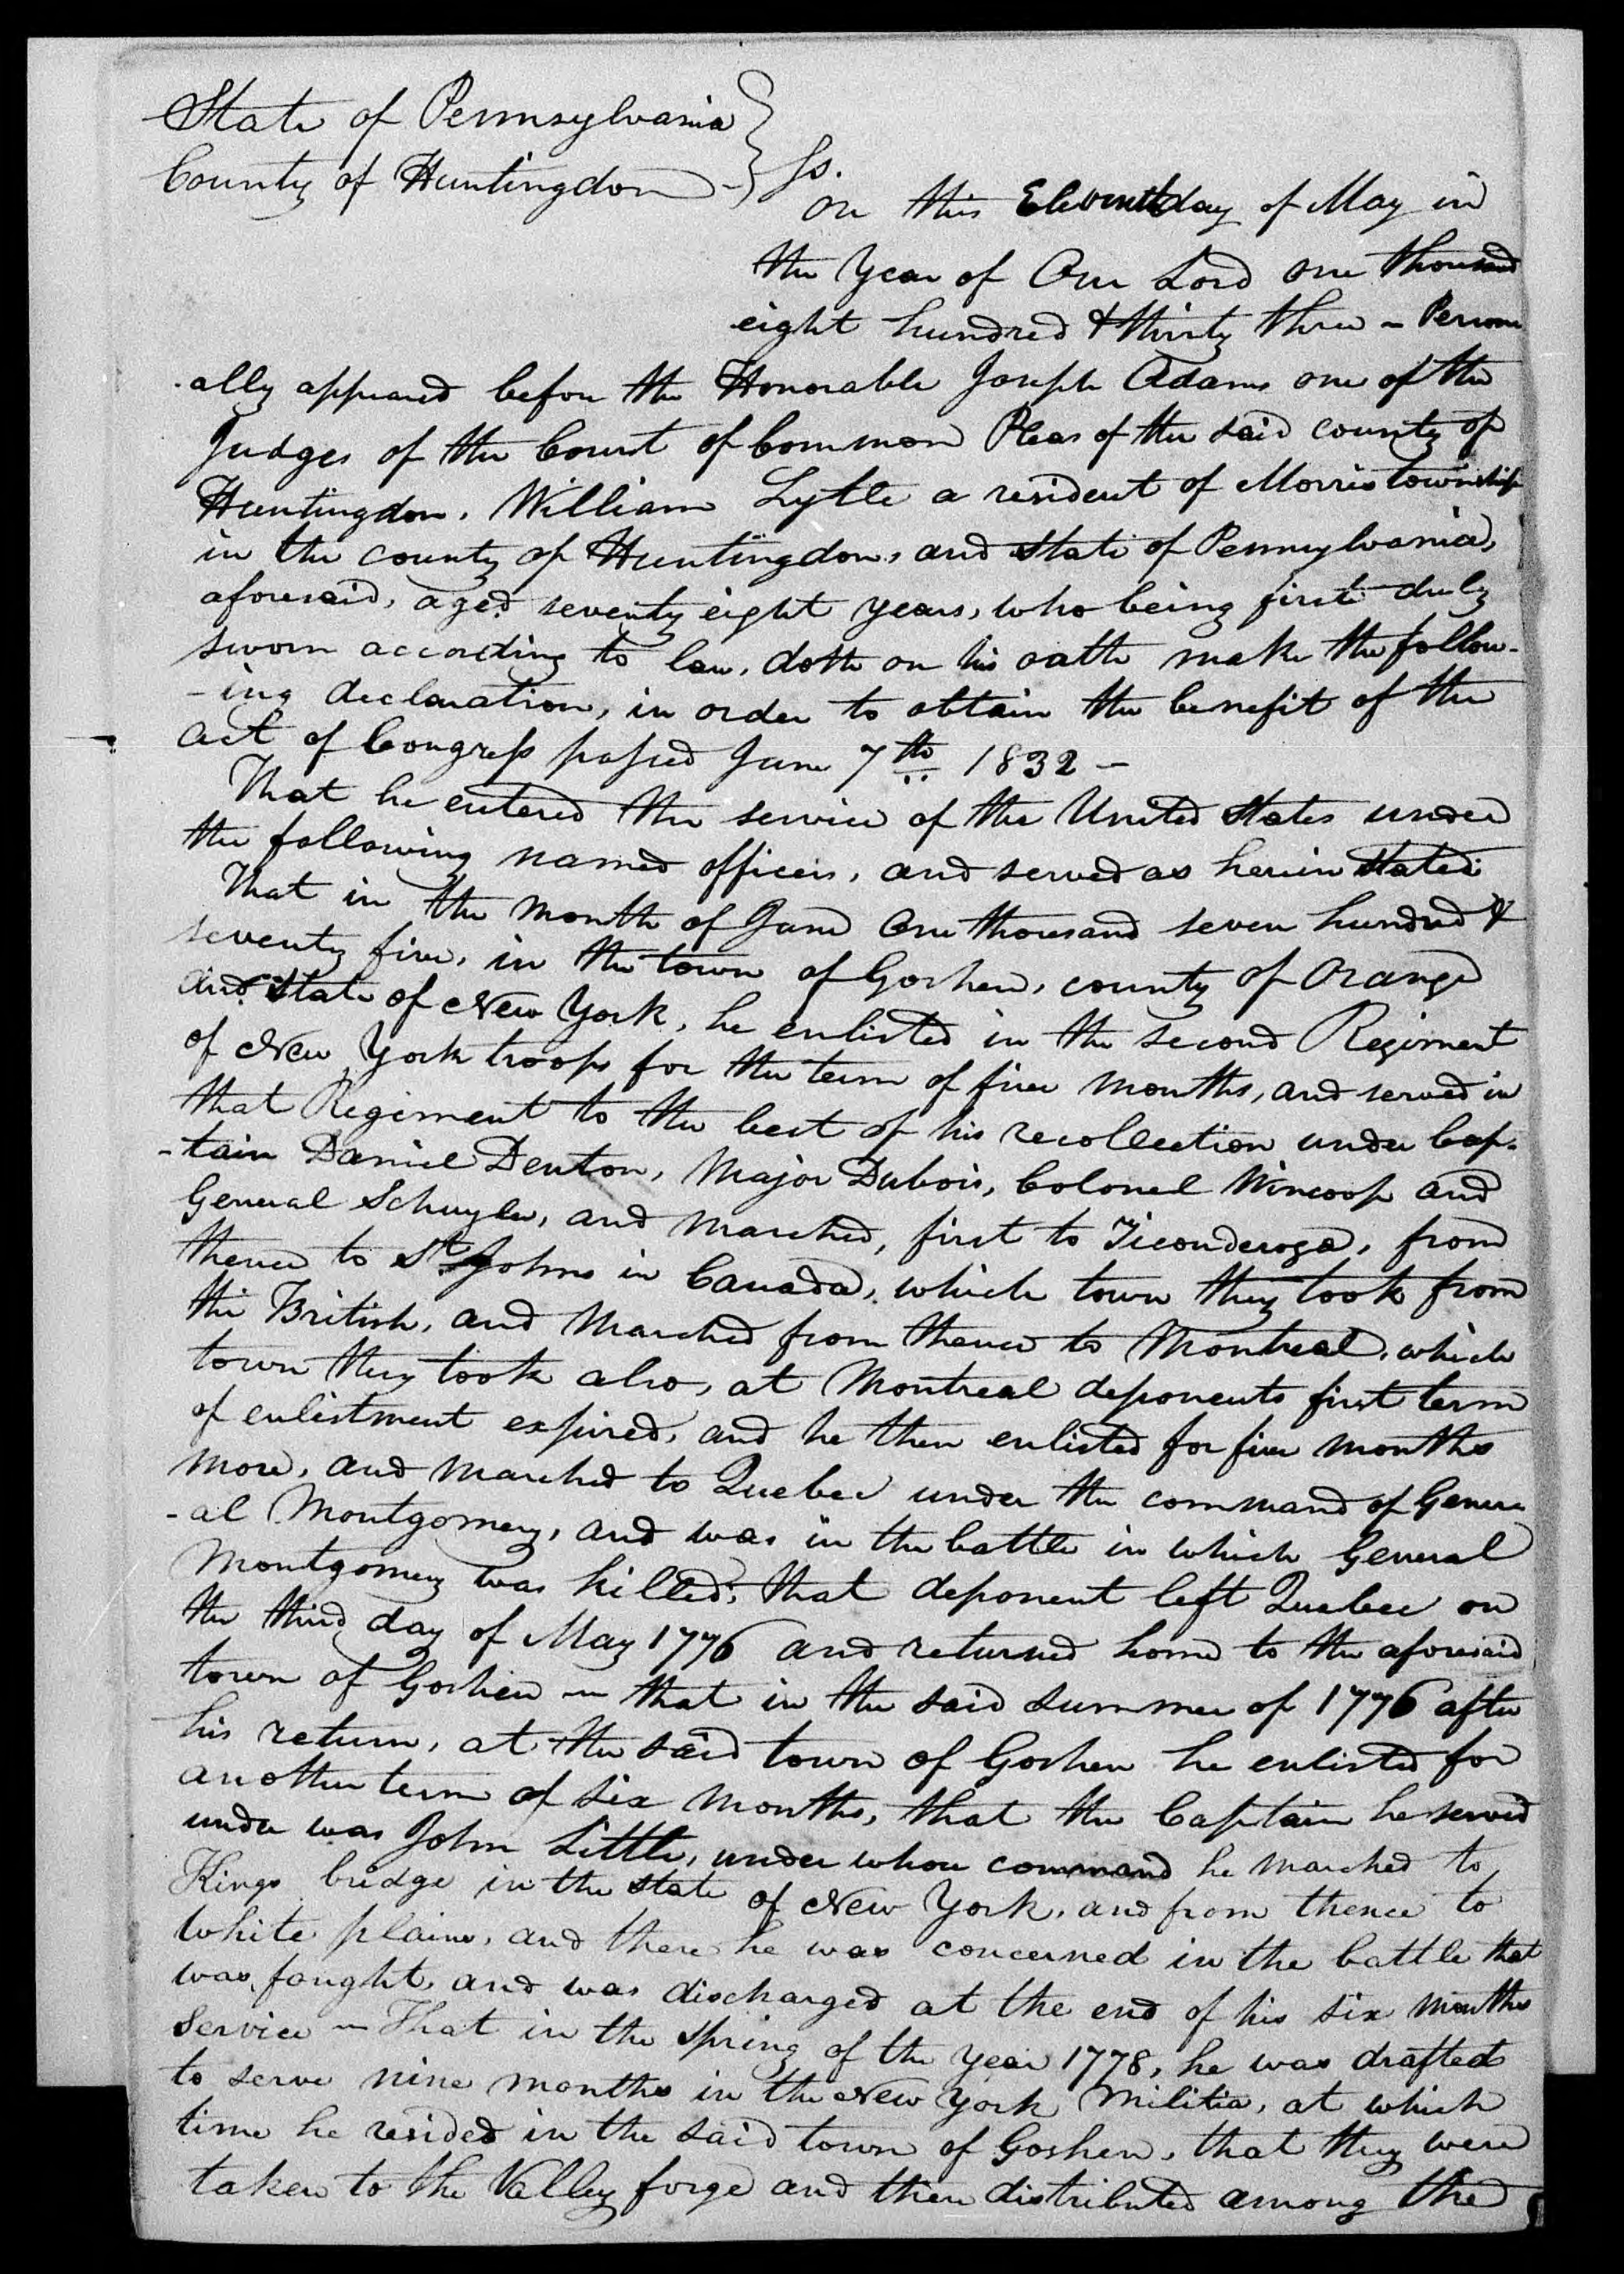State of Pennsylvania
County of Huntingdon } ss:
On this Eleventh day of May in the year of Our Lord one thousand eight hundred & thirty three - Personally appeared before the Honorable Joseph Adams one of the
Judges of the Court of Common Pleas of the said County of Huntingdon, William Lytle a resident of Morris township in the County of Huntingdon, and State of Pennsylvania,
aforesaid, aged seventy eight years, who being first duly sworn according to law, doth on his oath make the following declaration, in order to obtain the benefit of the act of Congress passed June 7th 1832-
That he entered the service of the United States under the following named officers, and served as herein stated:
That in the month of June One thousand seven hundred & Seventy five, in the town of Goshen, County of Orange, State of New York, he enlisted in the second Regiment
of New York troops for the term of five months, and served in that Regiment to the best of his recollection under Captain Daniel Denton, Major Dubois, Colonel Wynkoop and
General Schuyler, and Marched, first to Ticonderoga, from thence to St Johns in Canada, which town they took from the British, and marched from thence to Montreal, which
town they took also, at Montreal deponent's first term of enlistment expired, and he then enlisted for five months more, and marched to Quebec under the command of General
Montgomery, and was in the battle in which General Montgomery was killed, that deponent left Quebec on the third day of May 1776 and returned home to the aforesaid town of Goshen -- that in the said summer of 1776 after his return, at the said town of Goshen he enlisted for another term of six months, that the Captain he served under was John Little, under whose command he marched to
Kings bridge in the State of New York, and from thence to White plains, and there he was concerned in the battle that was fought, and was discharged at the end of his six months
service - That in the spring of the year 1778, he was drafted to serve nine months in the New York Militia, at which time he resided in the said town of Goshen, that they were taken to the Valley forge and then distributed among the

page: 21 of 24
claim: survivor's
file: S. 13810, for William Lytle, New York